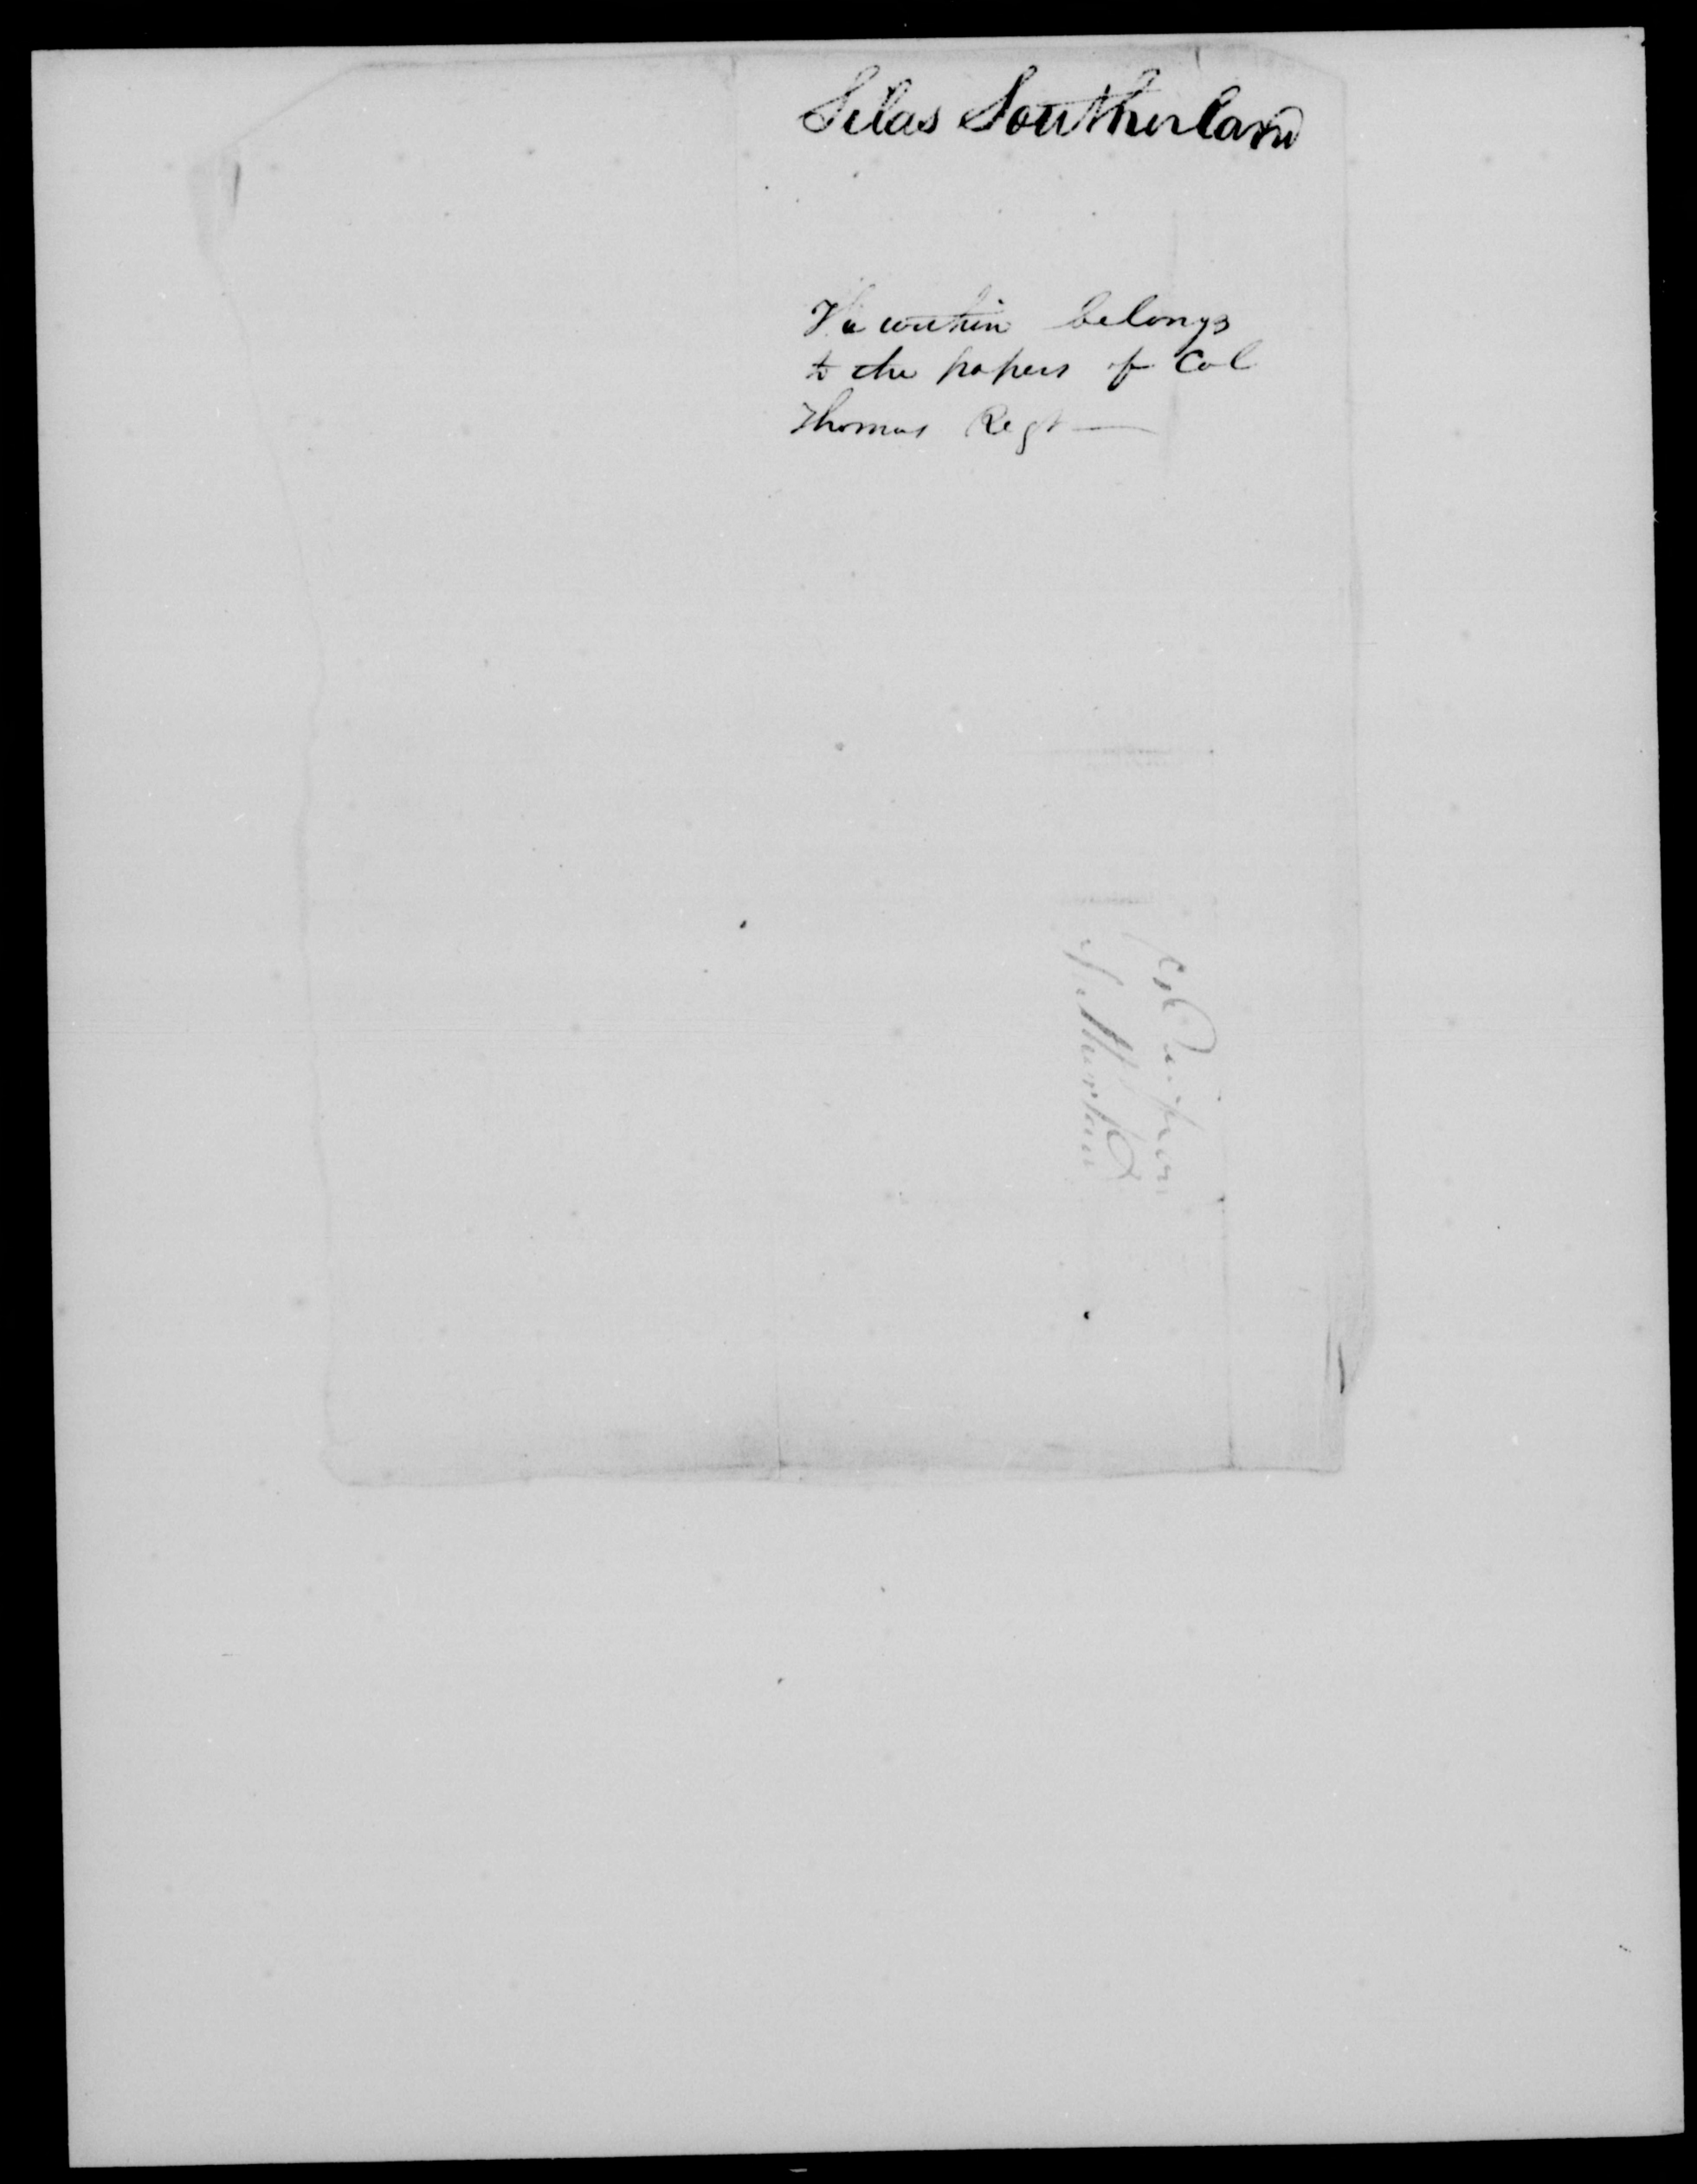Silas Southerland

The within belongs to the papers of Col Thomas Regt

[on side] [illegible]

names: Silas Southerland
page: 56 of 77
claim: survivor's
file: S. 23003, for Silas Southerland, New York